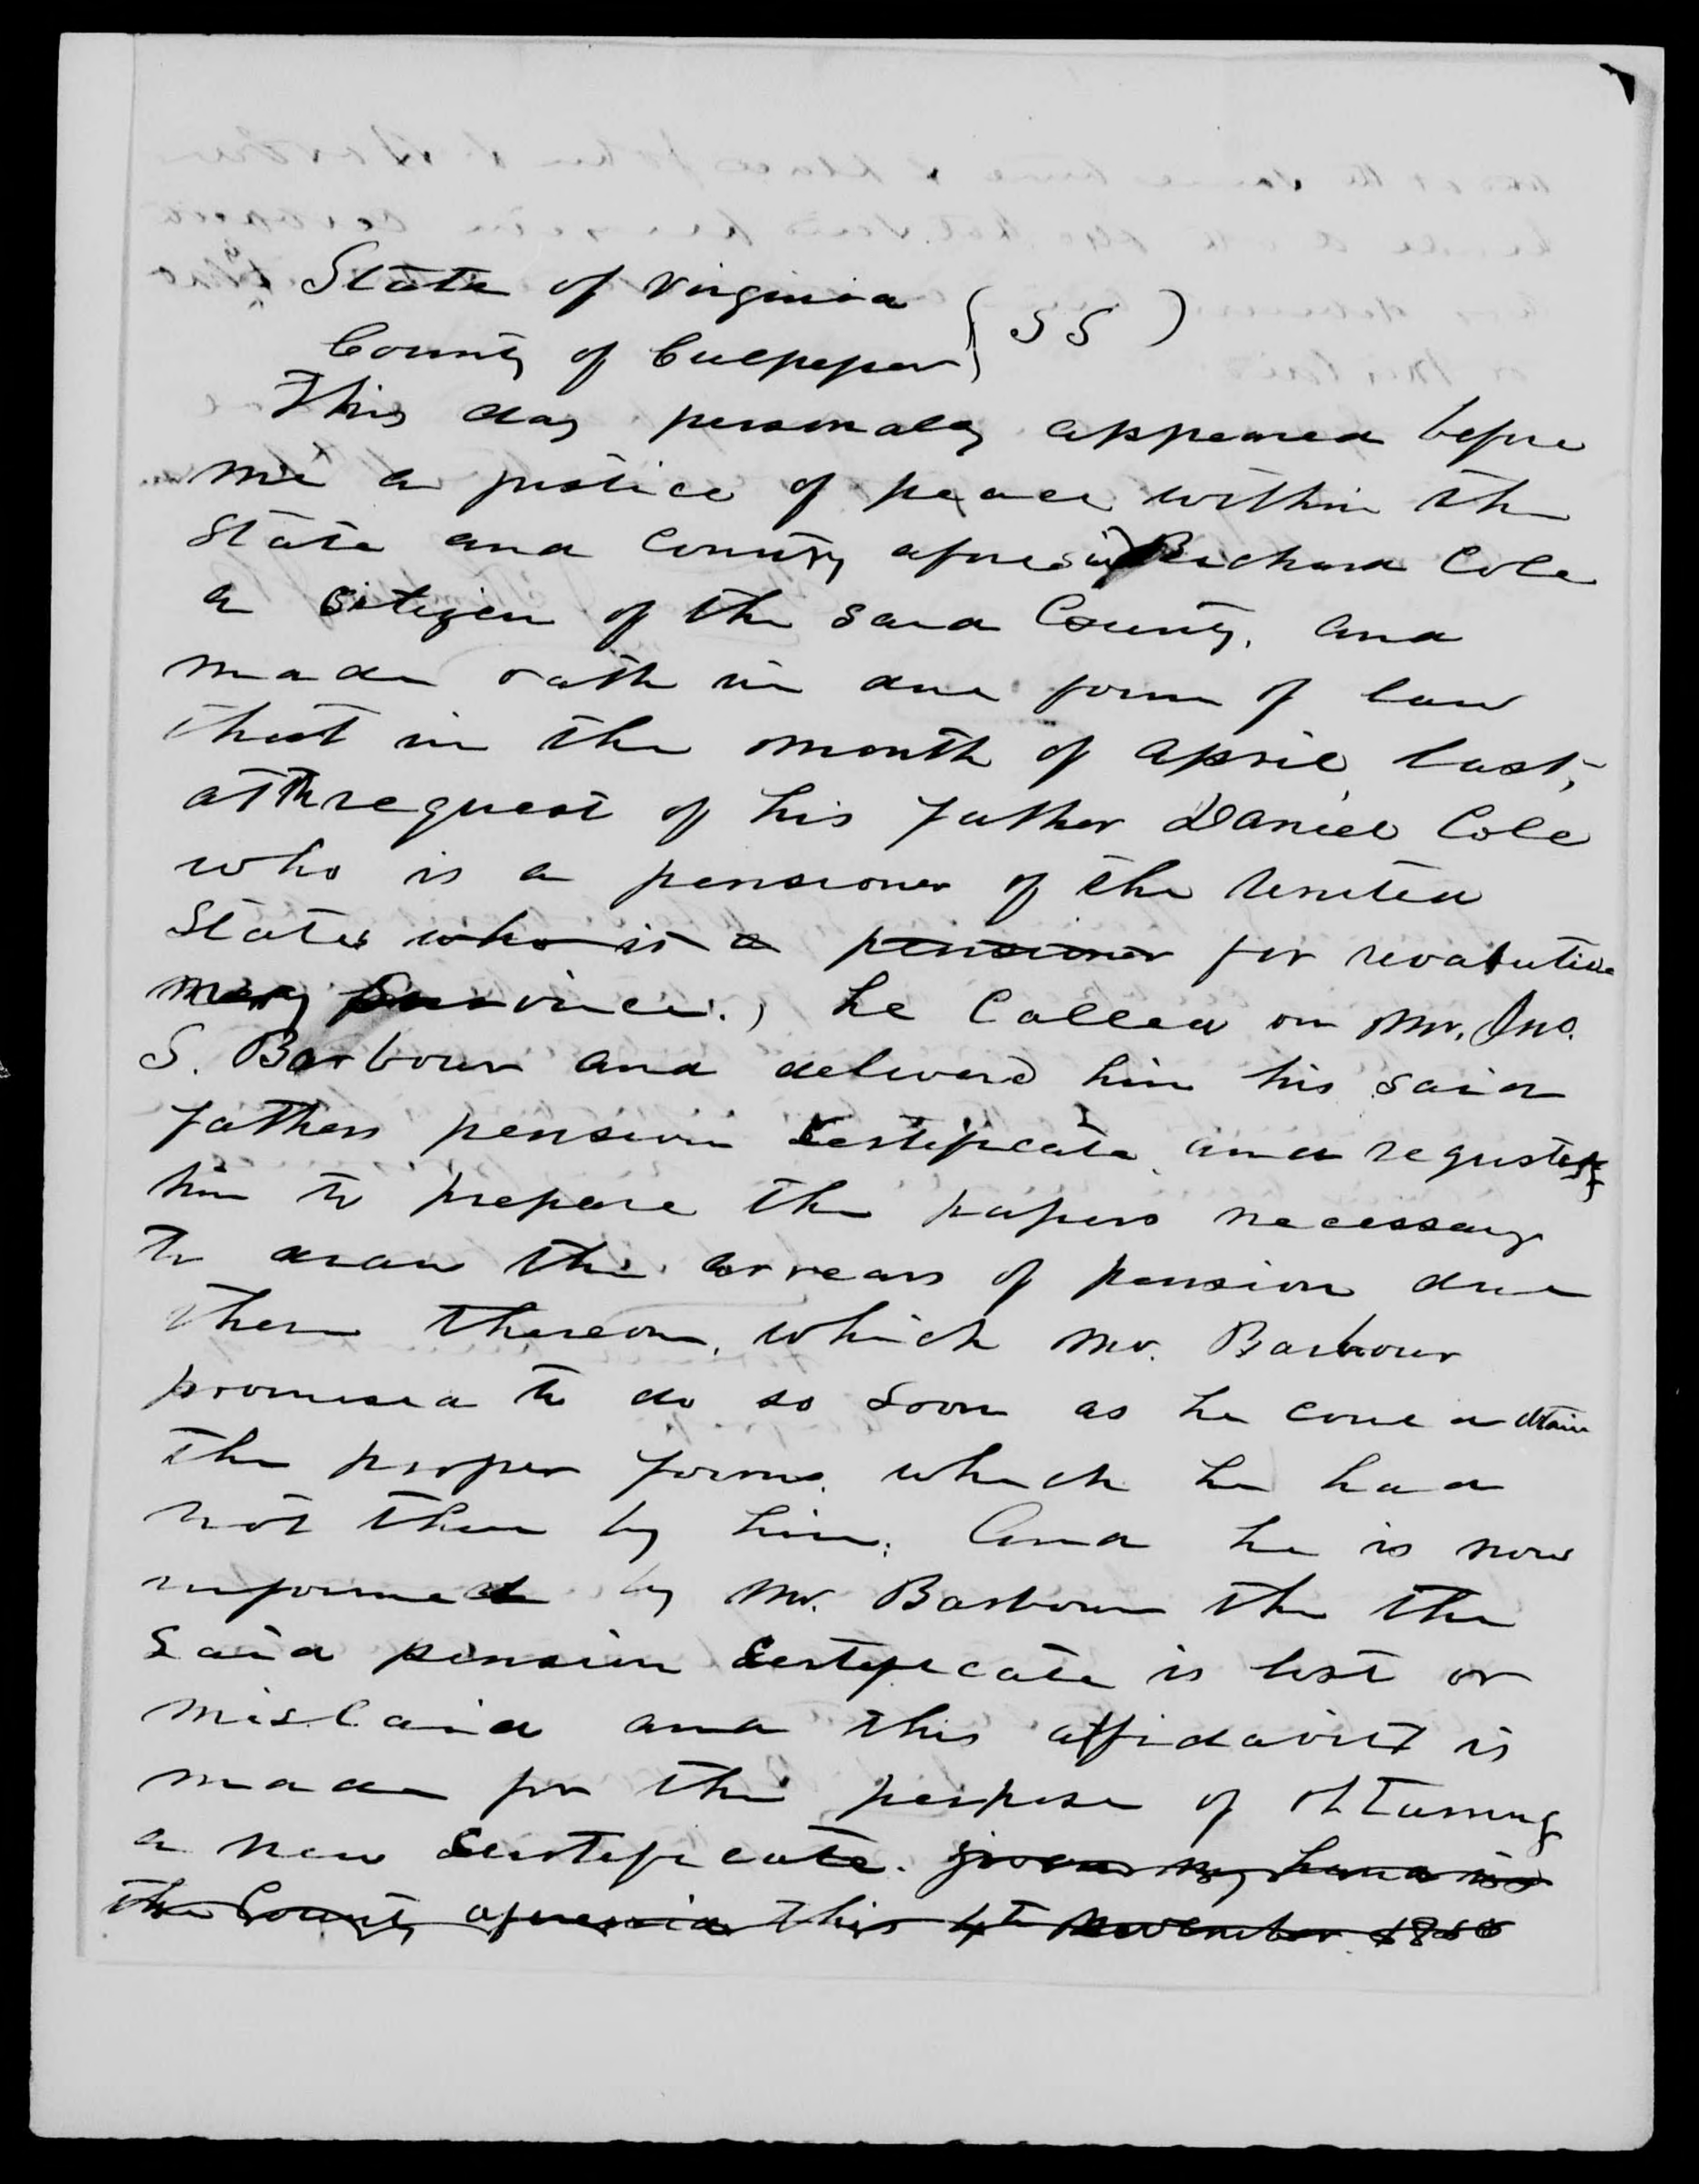State of Virginia
County of Culpeper
SS
This day personally appeared before me a justice of peace within the State and County aforesaid Richard Cole a Citizen of the said County, and made oath in due form of law
that in the month of April last at request of his father Daniel Cole who is a pensioner of the United State for revolution he called on Mr. Jno. S. Barbour and delivered him his said fathers pension certificate and requested him to prepare the papers necessary to draw the arrears of pension due him thereon, which Mr. Barbour promised to do so soon as he can obtain the proper forms which he had not there by him: and he is now informed by Mr. Barbour that the said pension certificate is lost or mislaid and this affidavit is made for the purpose of obtaining a new certificate. {following words are crossed out]  from
the County aforesaid this November 1885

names: Barbour, Barbour, Richard Cole, Jno S Barbour, Daniel Cole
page: 27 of 61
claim: survivor's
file: S. 8236, Daniel Cole, Va.